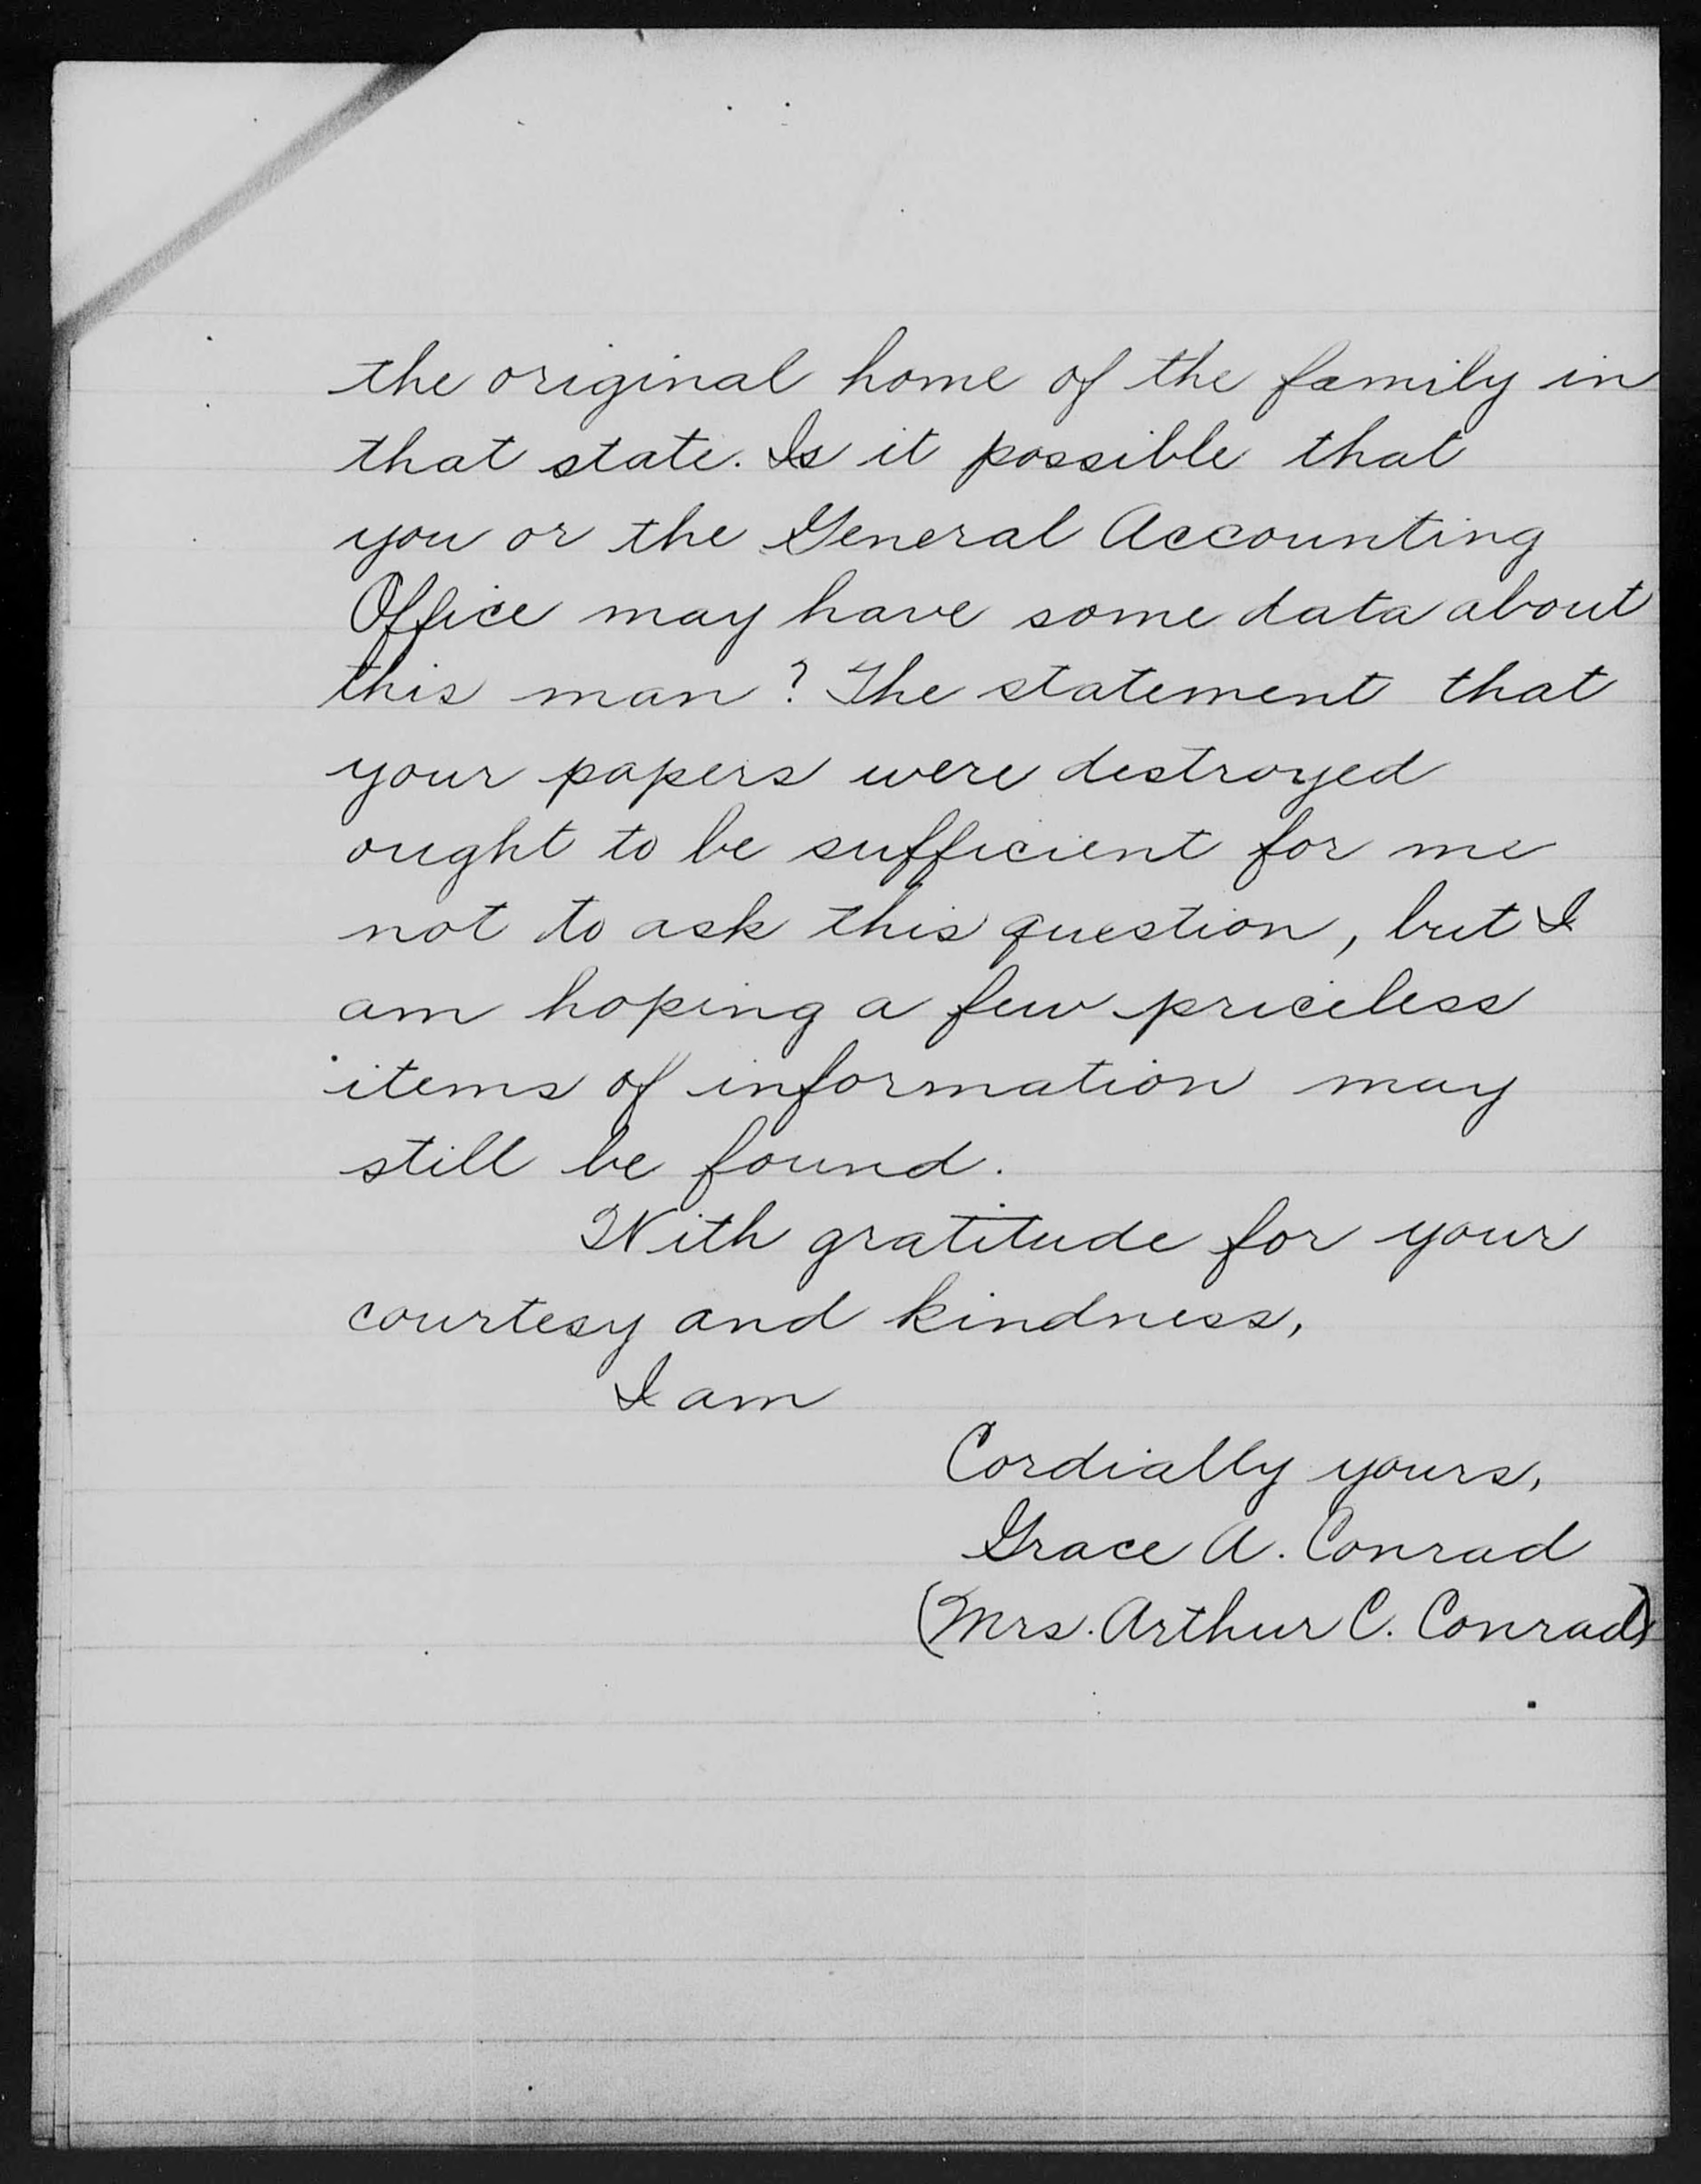the original home of the family in that state. Is it possible that you or the General Accounting Office may have some data about this man? The statement that your papers were destroyed ought to be sufficient for me not to ask this question, but I am hoping a few priceless items of information may still be found. 
With gratitude for your courtesy and kindness,
I am
Cordially yours,
Grace A. Conrad
(Mrs. Arthur C. Conrad)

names: Grace A Conrad, Arthur C Conrad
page: 29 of 49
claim: survivor's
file: S. 12755, George Dent, Md.